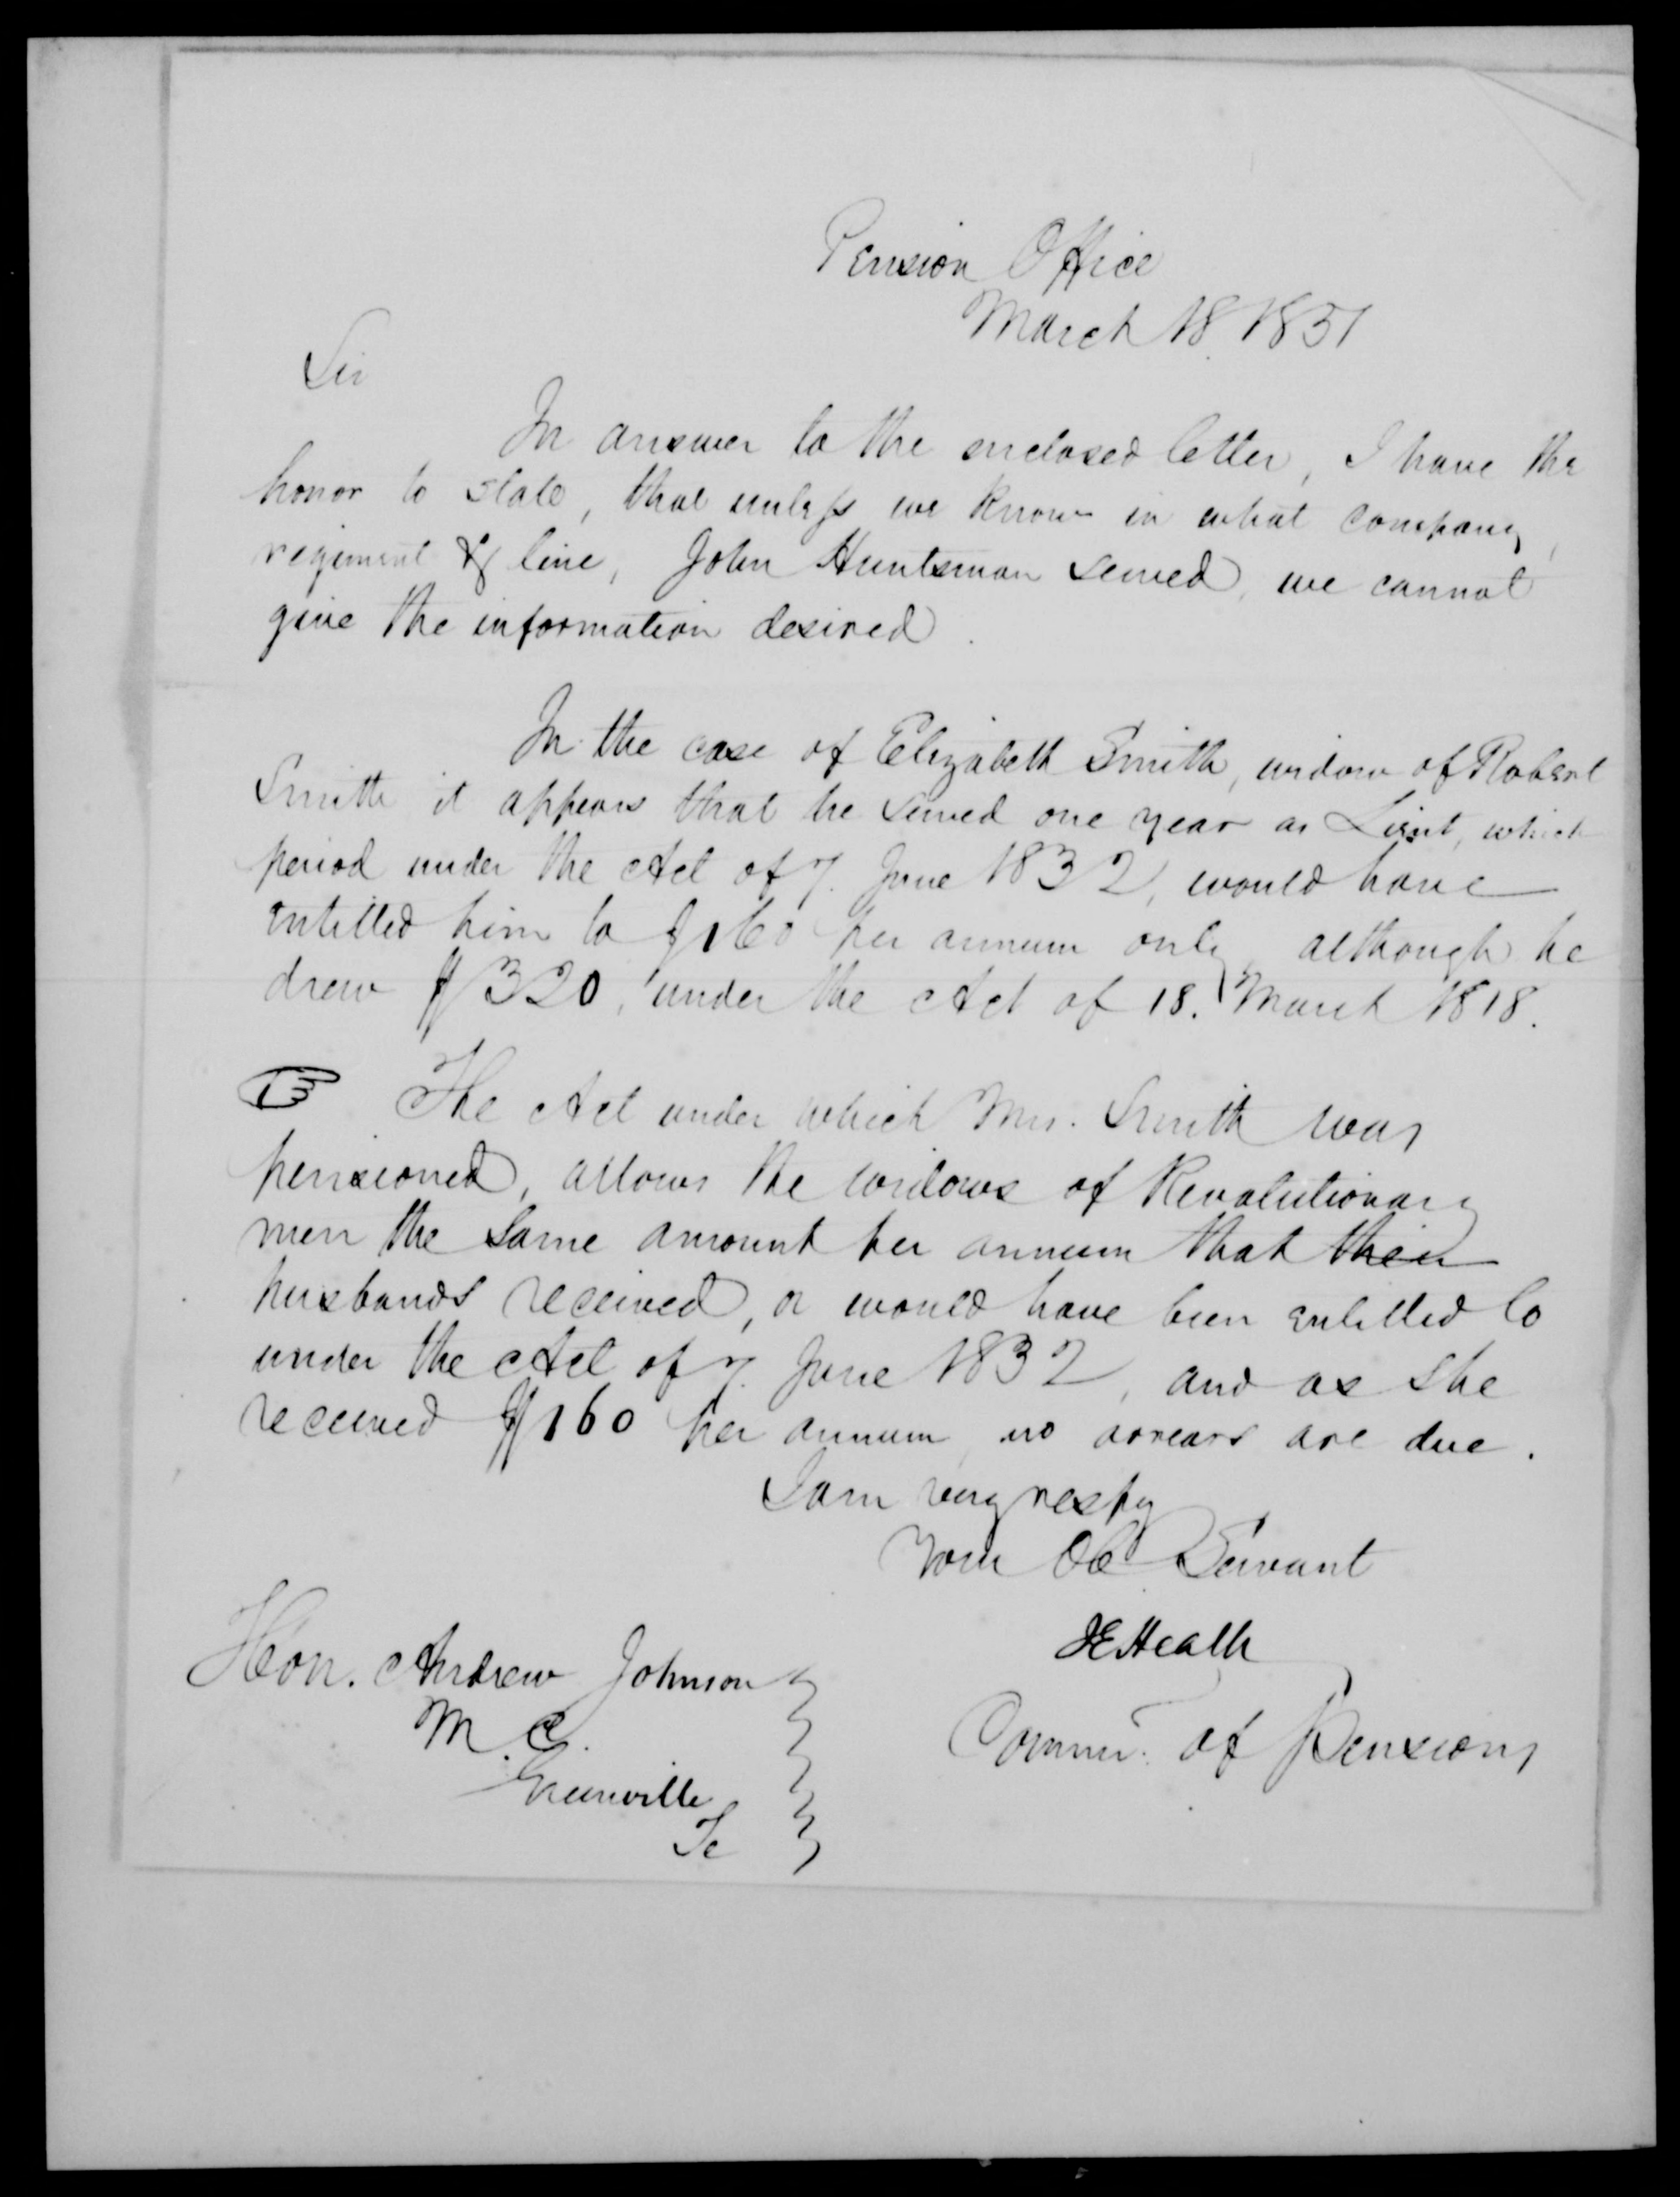Pension Office
March 18, 1837
Sir
In answer to the subject letter, I have the honor to state, that unless we know in what company, regiment and line, John Huntsman served we cannot give the information desired.

In the case of Elizabeth Smith, widow of Robert Smith it appears that he served one year as Lieut, which period under the Act of June 1832, would have entitled him to $160 per annum only although he drew $320 under the Act of 18 March 1818.
   The Act under which Mr. Smith was pensioned, allows the widow of Revolutionary men the same amount per annum that their husband accrued, or would have been entitled to under the Act of June 1832, and as she received $160 per annum no arrears are due.
I am very respy Your Ob Servant
JE Heath
Commr of Pensions

Hon. Andrew Johnson
M.C.
Greenville, Te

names: Robert Smith; J E Heath; John Huntsman; [BLANK] Smith; Elizabeth Smith; Andrew Johnson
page: 49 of 79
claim: widow's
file: W. 1504, for Robert Smith, North Carolina